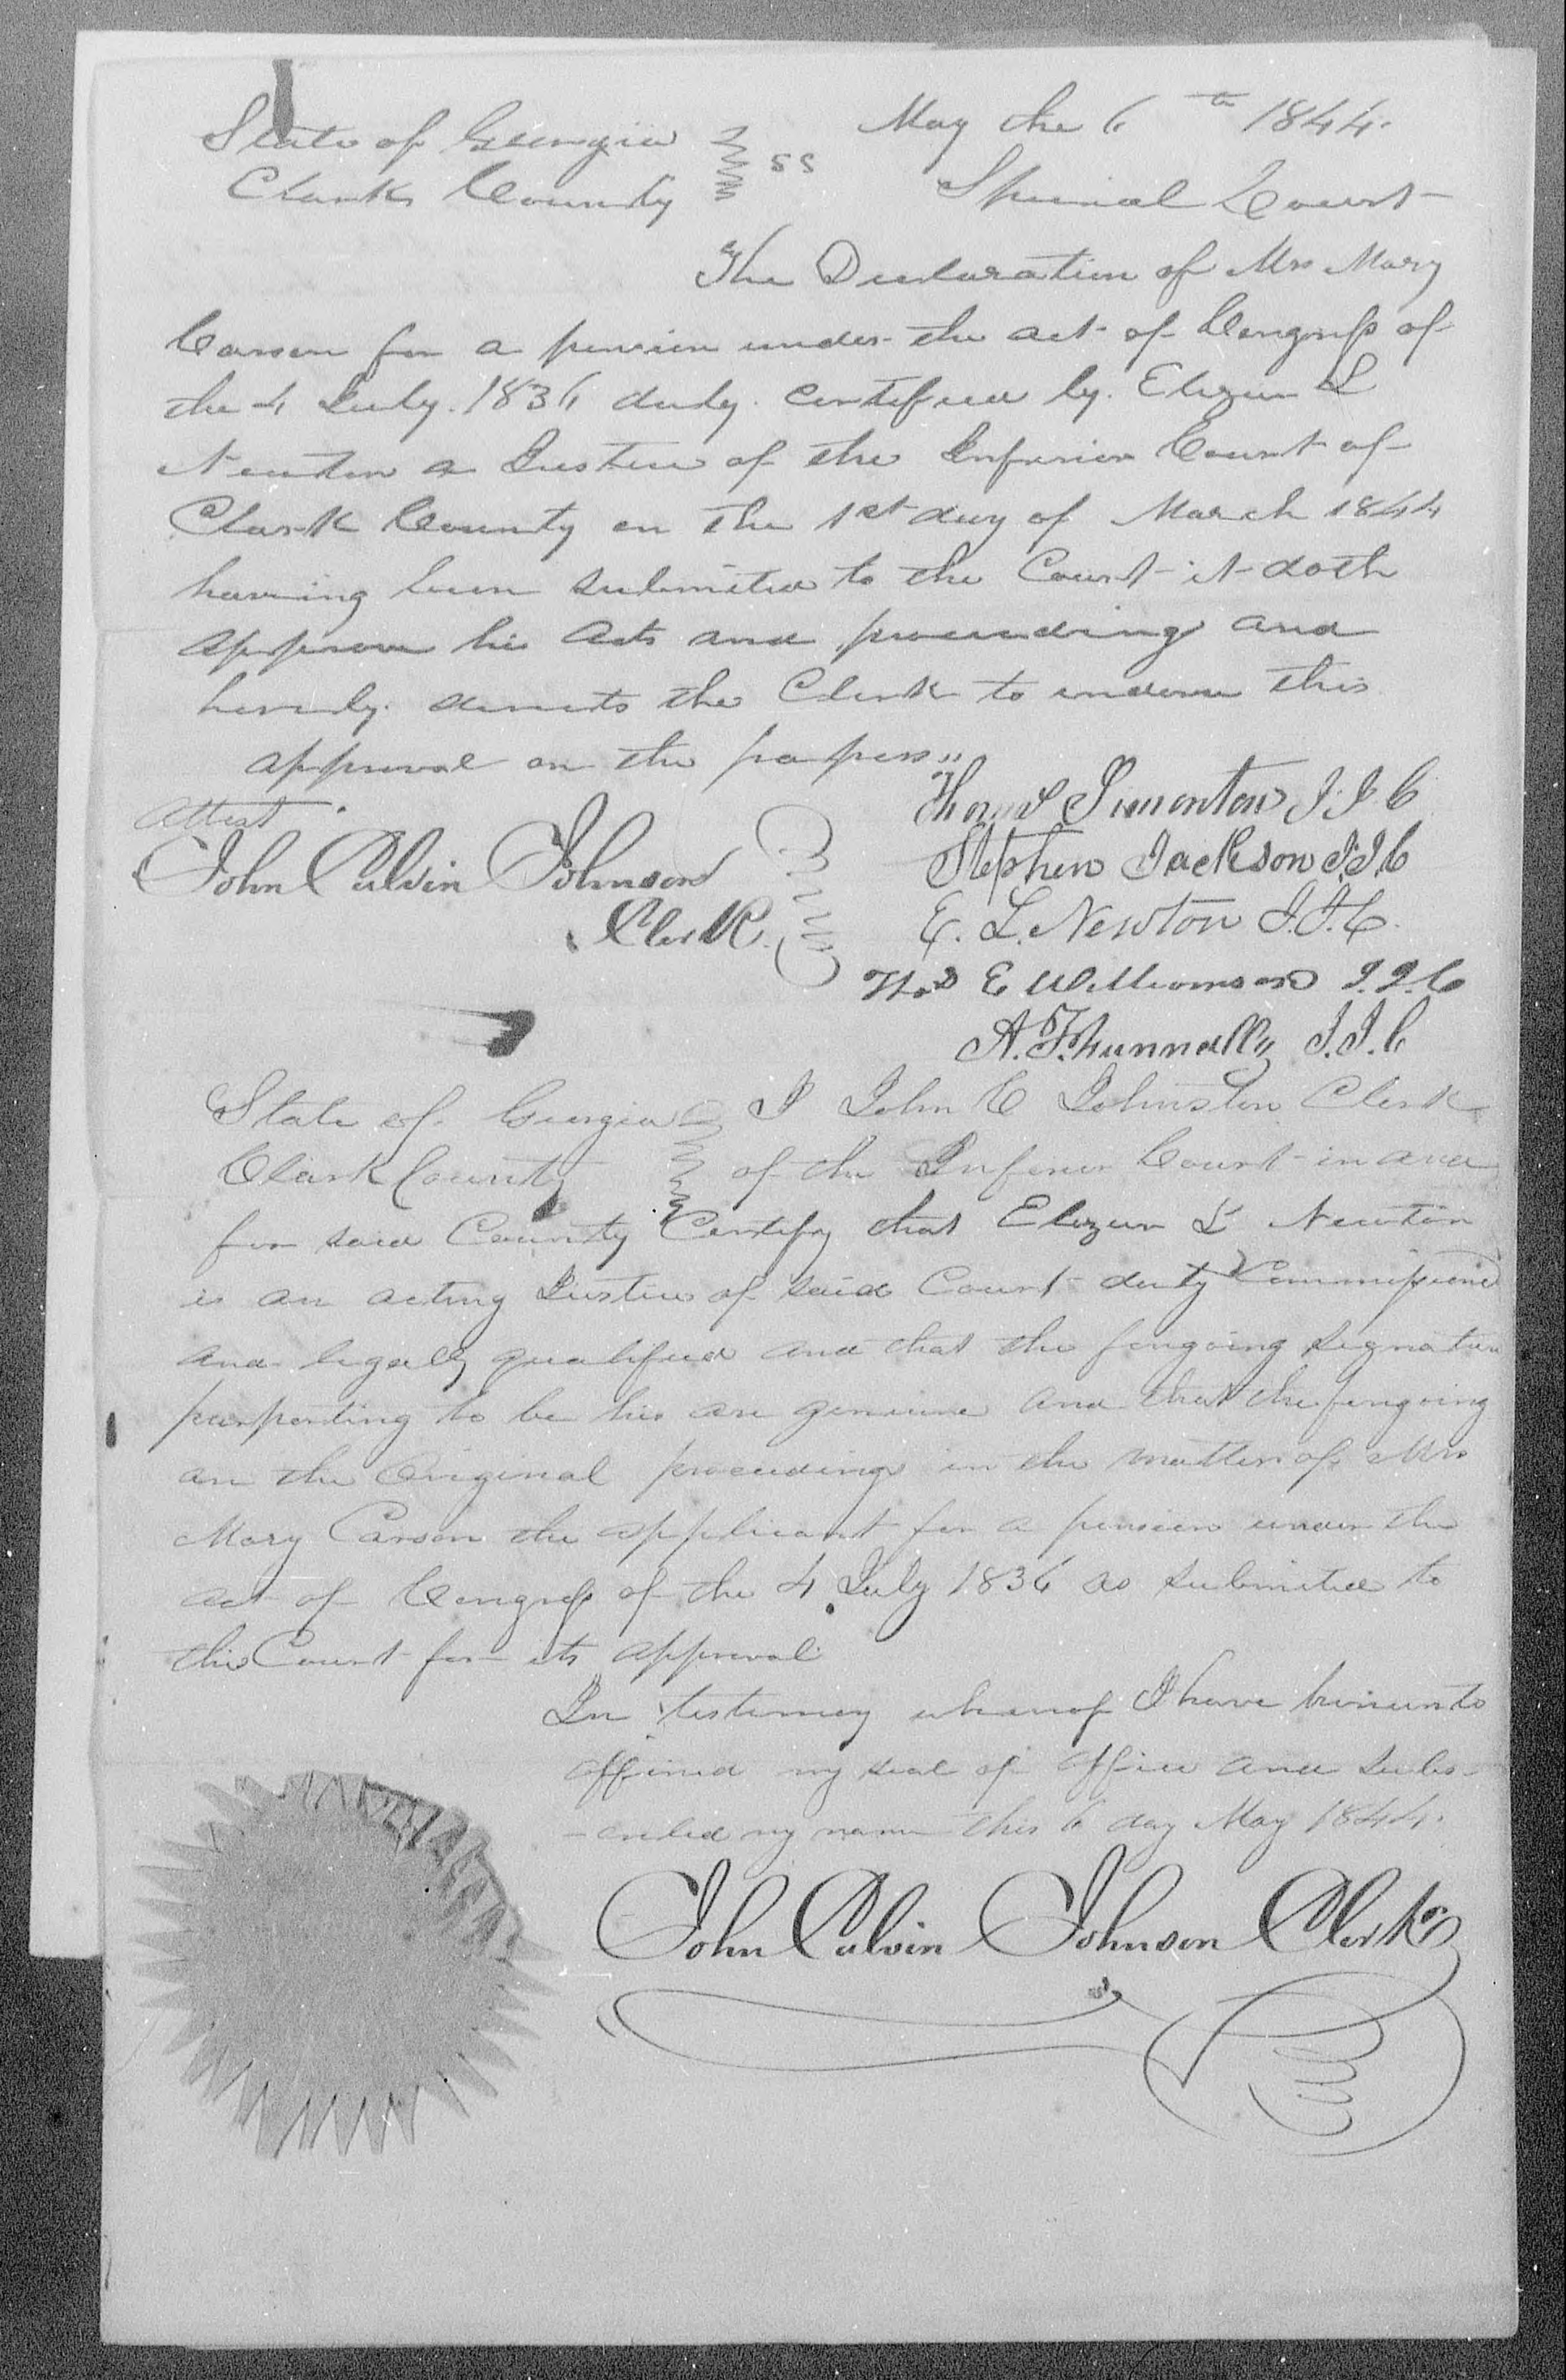State of Georgia
Clark County SS
May the 6th 1844.
Special Court
The Declaration of Mrs Mary Carson for a pension under the act of Congress of the 4 July 1836 duly certified by Elizur L Newton a Justice of the Inferior Court of Clark County on the 1st day of March 1844 having been submitted to the Court - it doth approve his acts and proceedings and hereby directs the Clerk to endow this approval on the papers.
Thomas Simonton J.I.C
Stephen Jackson J.I.C.
E. L. Newton J.I.C.
Thos E Williamson J.I.C
A. F. Nunnally J.I.C
Attest
John Calvin Johnson Clerk

State of Georgia
Clark County
I John C Johnson Clerk of the Inferior Court in and for said County certify that Elizur L Newton is an acting Justice of said Court duly Commissioned and legally qualified and that the foregoing Signature purporting to be his are genuine and that the foregoing and the Original proceedings in the matter of Mrs. Mary Carson the applicant for a pension under the act of Congress of the 4 July 1836 as submitted to this Court for its approval.
In testimony whereof I have hereunto affixed my seal of Office and subscribed my name this 6 day May 1844.
John Calvin Johnson Clerk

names: Thos E Williamson, E L Newton, Thomas Simonton, A F Nunnally, Stephen Jackson, Mary Carson, Elizur L Newton, John Calvin Johnson, Mary Carson, John C Johnston, John Calvin Johnson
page: 6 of 34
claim: rejected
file: R. 1,738, Walter Carson, N.C. S.C.